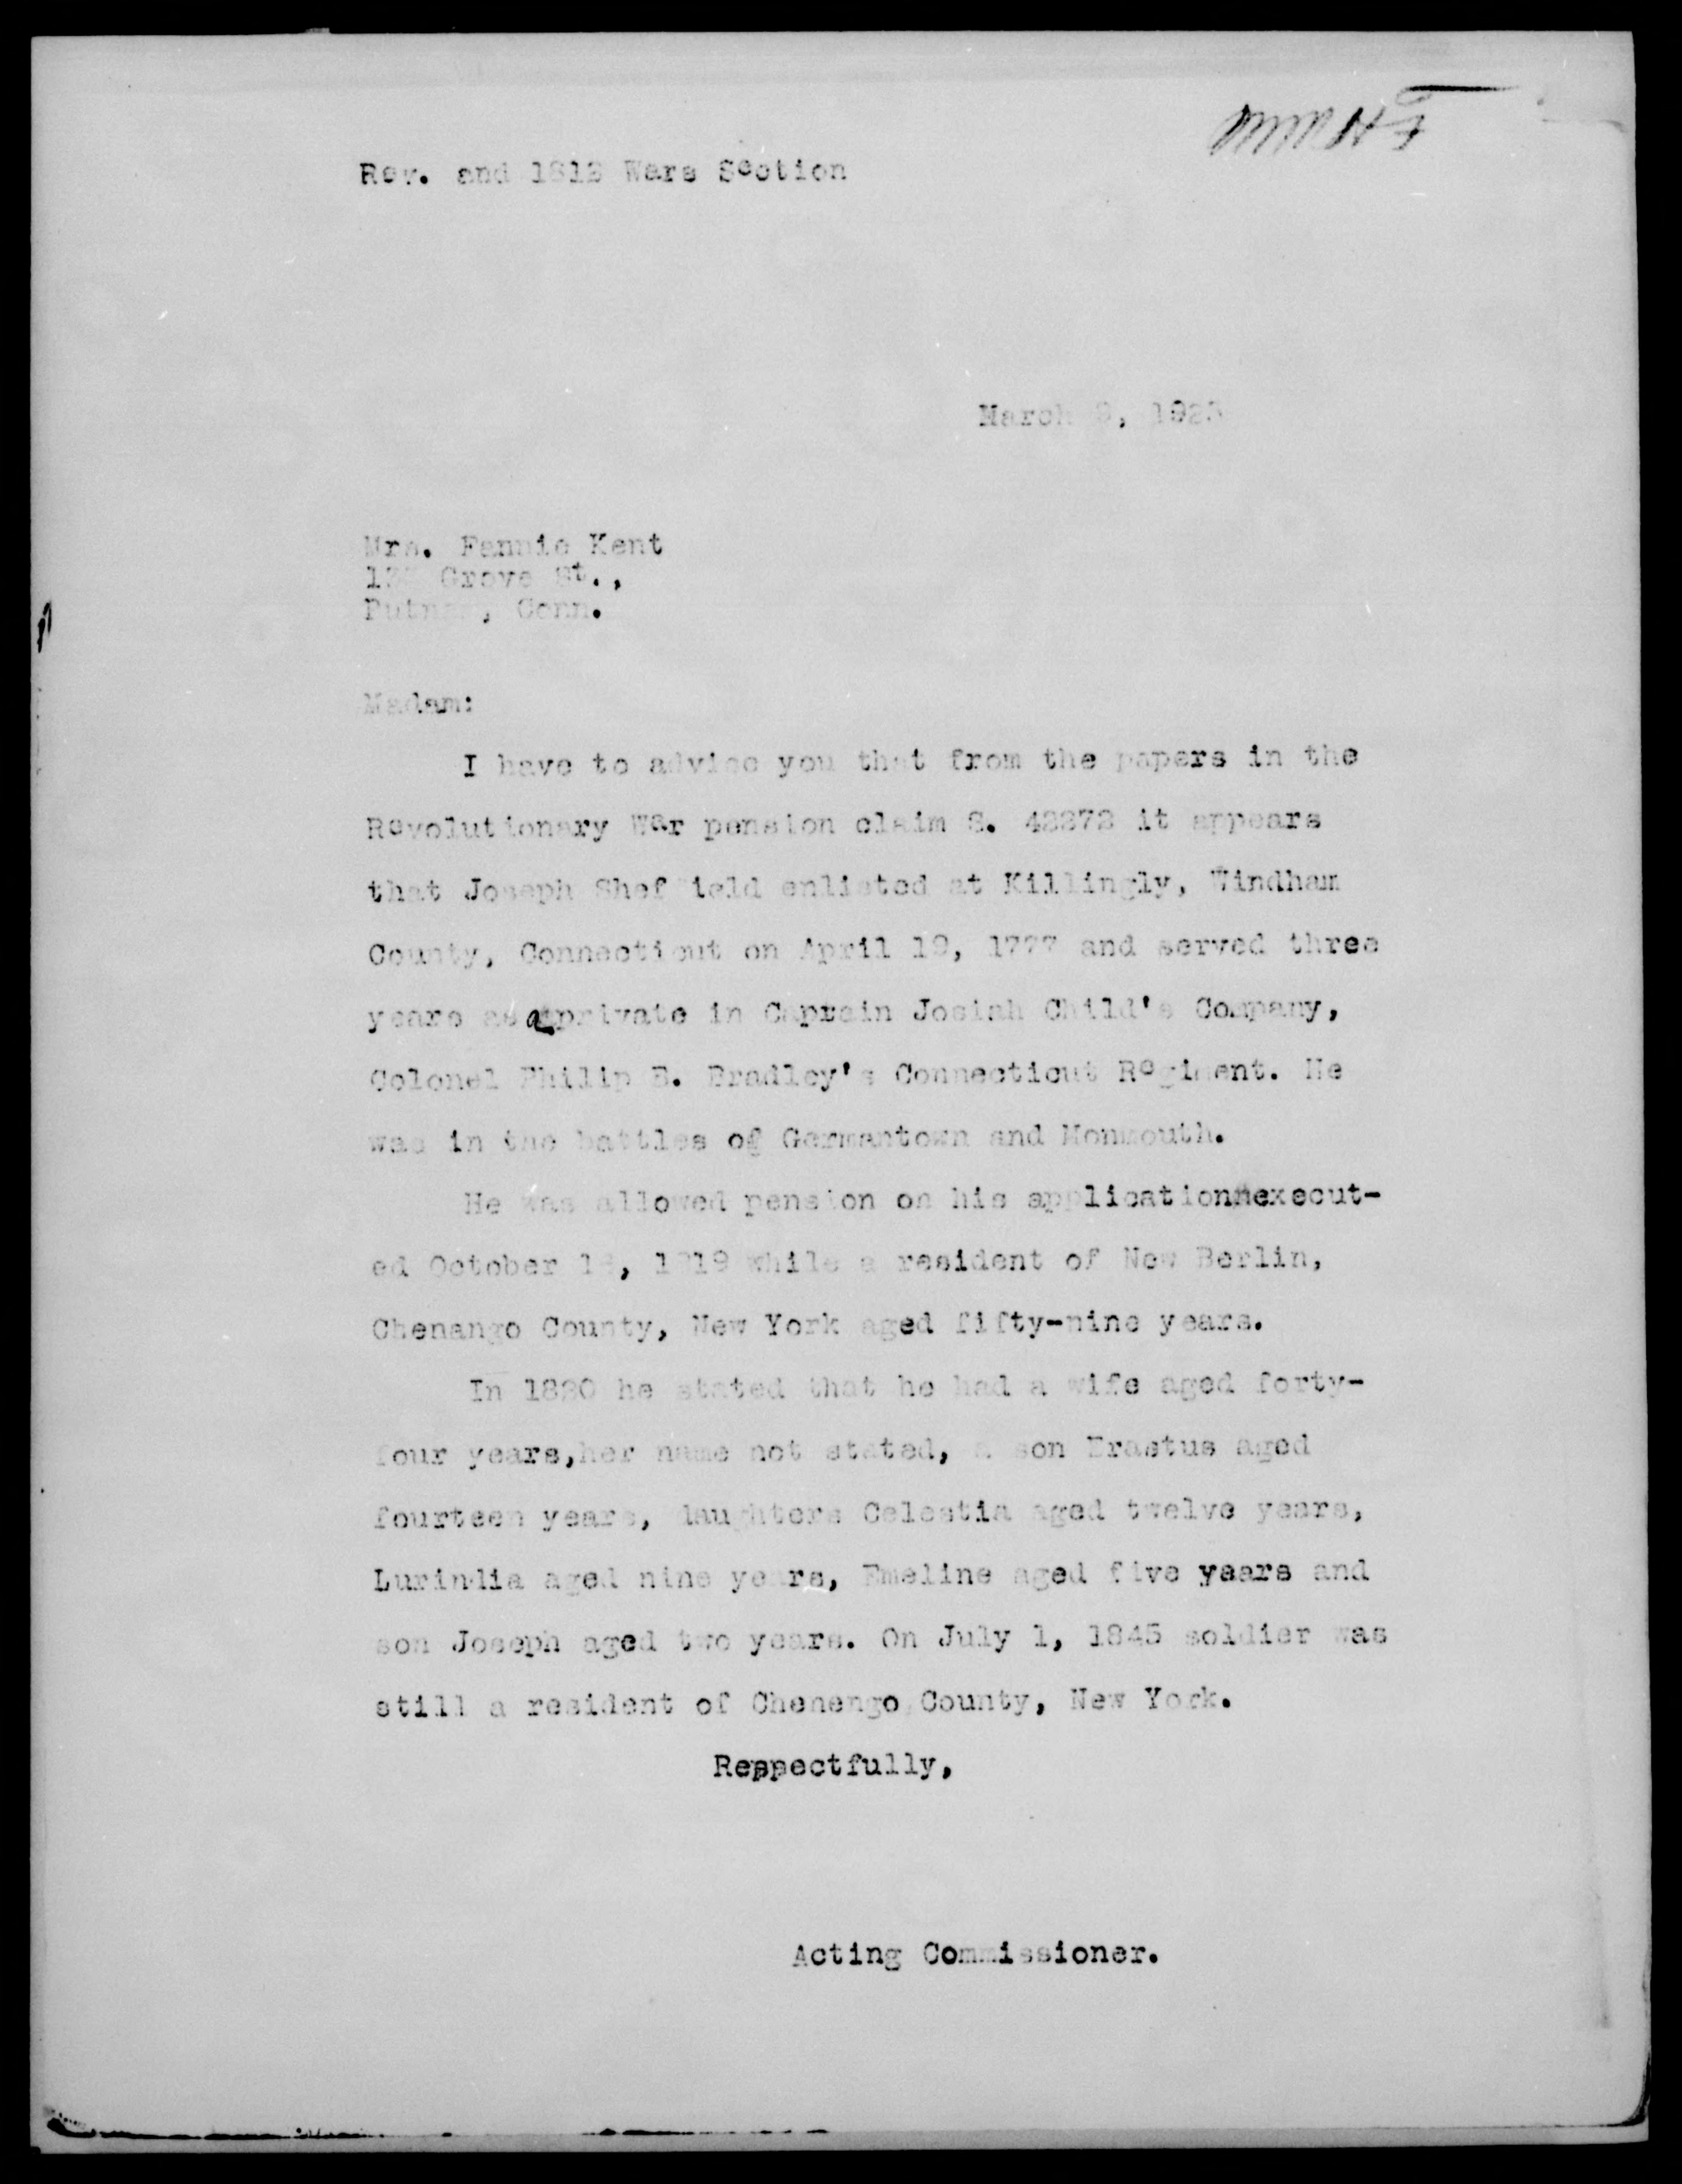Rev. and 1812 Wars Section MMH
March 8, 192.5 

Mrs. Fannie Kent
17 Grove St.,
Putney, Conn.
Madam:

I have to advise you that from the papers in the
Revolutionary War pension claim S. 42372 it appears
that Joseph Sheffield enlisted at Killingly, Windham
County, Connecticut on April 19, 1777 and served three
years as a private in Captain Josiah Child's Company,
Colonel Philip B. Bradley's Connecticut Regiment. He
was in the battles of Germantown and Monmouth.

He was allowed pension on his application executed
October 12, 1819 while a resident of New Berlin,
Chenango County, New York aged fifty-nine years.

In 1820 he stated that he had a wife aged forty-
four years, her name not stated, a son Erastus aged
fourteen years, daughters Celestia aged twelve years,
Lurindia aged nine years, Emeline aged five years and
son Joseph aged two years. On July 1, 1845 soldier was
still a resident of Chenango County, New York.

Respectfully,

Acting Commissioner.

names: Erastus [BLANK]; Lurindia [BLANK]; Celestia [BLANK]; Fannie Kent; Joseph [BLANK]; Joseph Sheffield; Emeline [BLANK]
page: 22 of 25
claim: survivor's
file: S. 42,272, for Joseph Sheffield, Connecticut